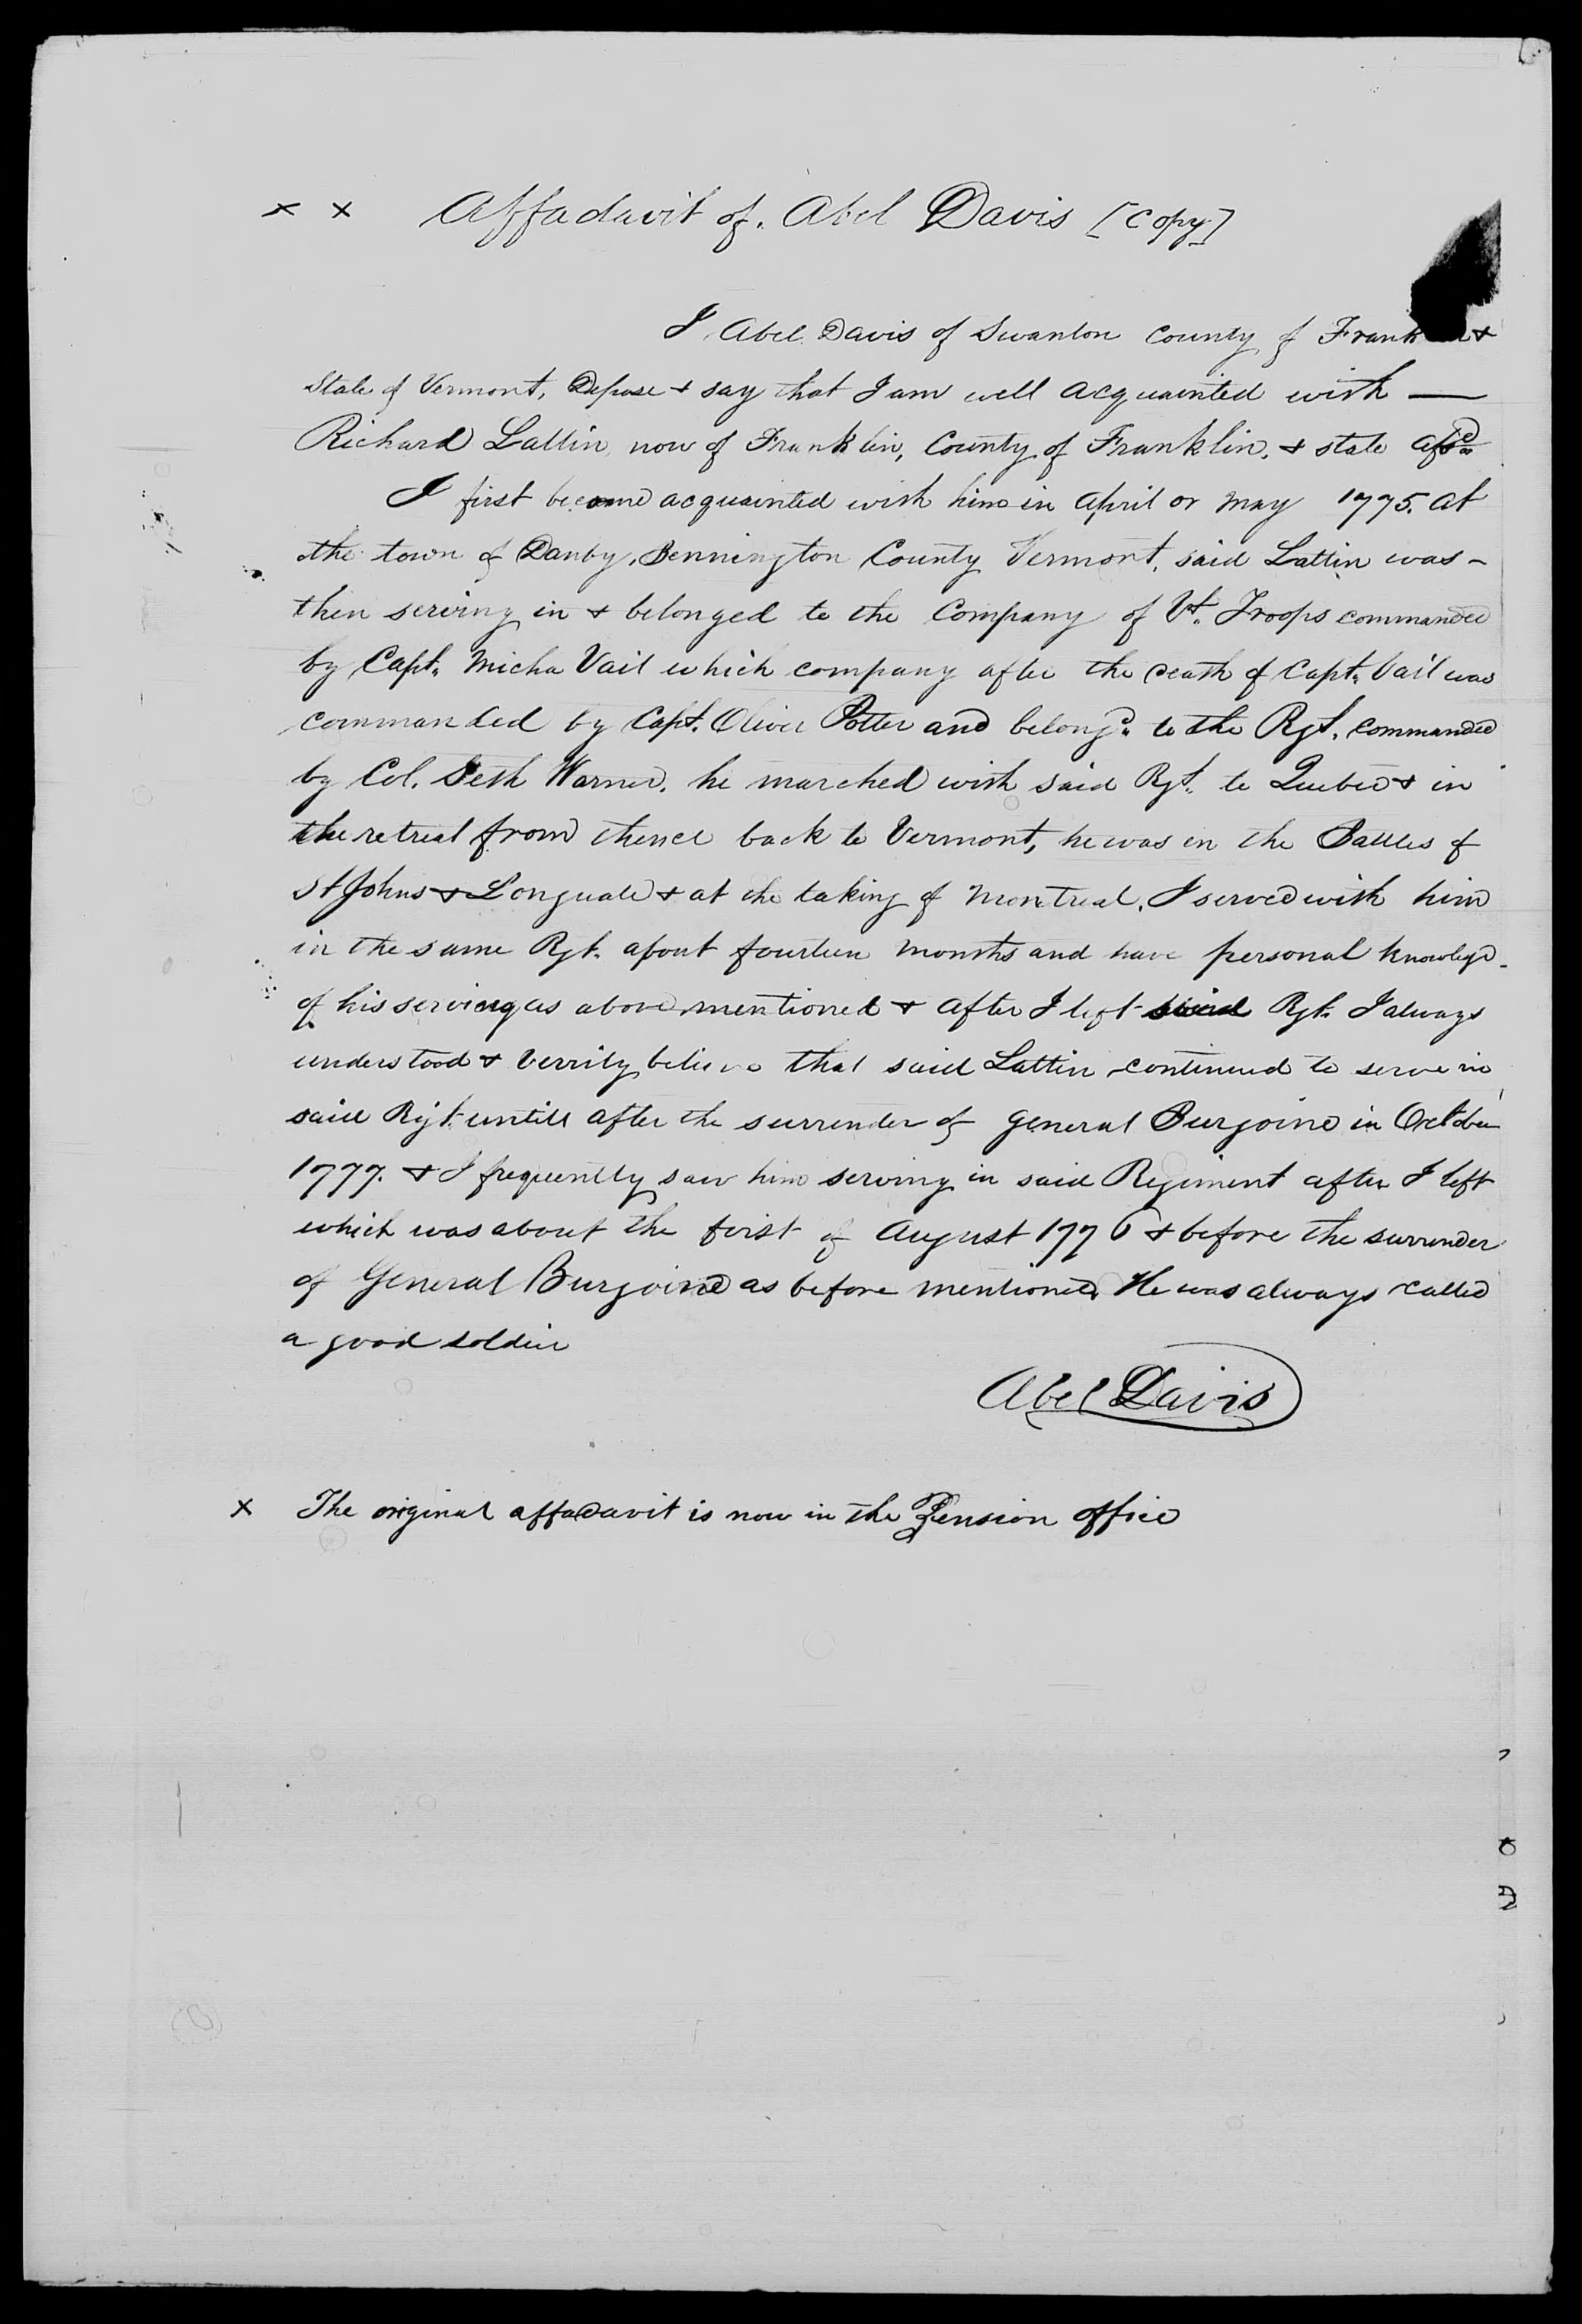x x affadavit of Abel Davis (Copy)

I Abel Davis of Swanton County of Franklin & State
of Vermont depose and say that I am well acquainted with
Richard Lattin, now of Franklin, County of Franklin and
 State afs’d. I first became acquainted with him in April
or May A.D.1775 at the Town of Danby Bennington County
Vermont. Said Lattin was then serving in and belonged
to the company of Vt Troops commanded by
Capt Micha Vail which company after the death of Capt
Vail was commanded by Capt Oliver Potter and belonged
to the Regt commanded by Col Seth Warner. He
 marched with said Regt to Quebec & in the retreat
thence back to Vermont. He was in the battles of St John’s & Longuile & at the taking of Montreal. I served with him in the same Regt about fourteen months and have personal knowledge of his serving as above mentioned. And after I left
said Regt I always understood and verily believe
that said Lattin continued to serve in said Regiment
untill after the surrender of General Burgoyne
in October AD 1777- and I frequently saw him serving
in said Regt after I left which was about the first
of August 1776 & before the surrender of General
Burgoyne as before mentioned. He was always called a good Soldier.
Abel Davis

The original affadavit is now in the Pension office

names: Seth Warner; Oliver Potter; Micha Vail; Abel Davis; [BLANK] Burgoine; Richard Lattin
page: 52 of 99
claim: widow's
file: W. 24,482, for Richard Lattin, Vermont